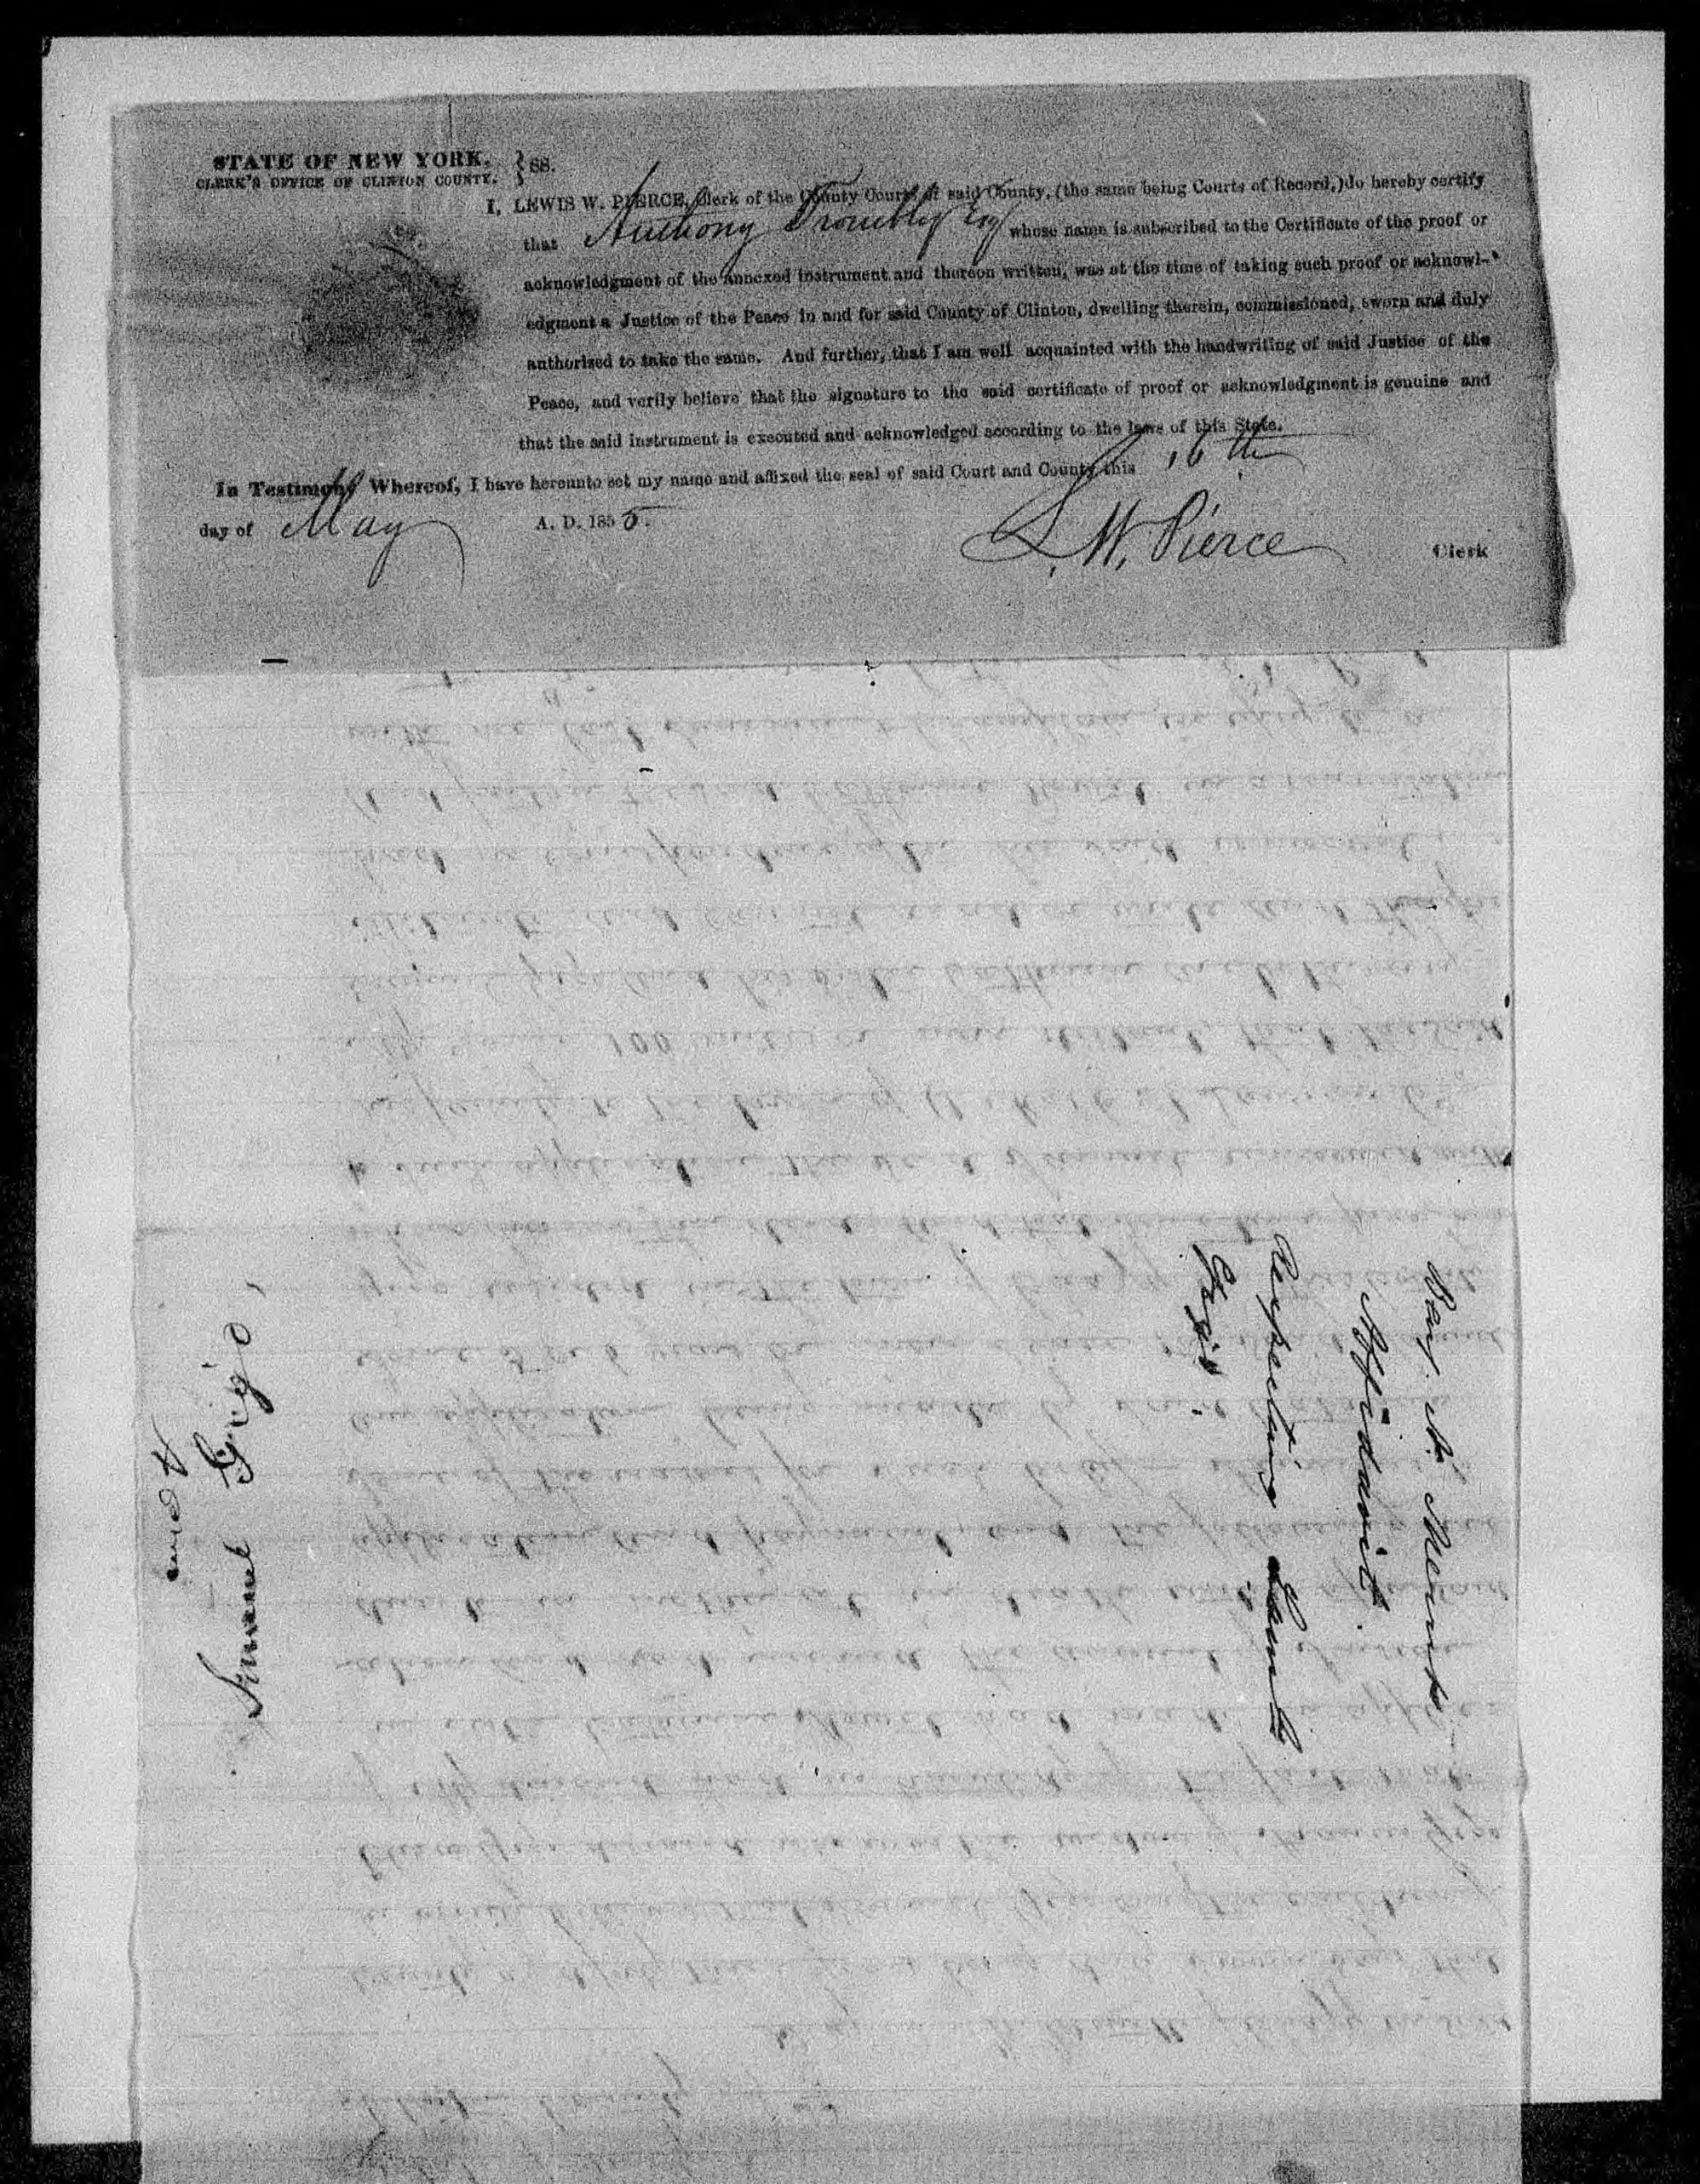STATE OF NEW YORK
CLERK'S OFFICE OF CLINTON COUNTY SS

I, LEWIS W. PIERCE, Clerk of the County Court at said County, (the same being Courts of Record,) do hereby certify that Anthony Trowbley Esq. whose name is subscribed to the Certificate of proof or acknowledgment of the Annexed instrument and thereon written was at the time of taking such proof or acknowledgment a Justice of the Peace in and for said County of Clinton, dwelling therein, commissioned, sworn and duly authorized to take the same. And further, that I am well acquainted with the handwriting of said Justice of the Peace and verily believe that the signature to the said certificate of proof or acknowledgment is genuine and that the said instrument is executed and acknowledged according to the laws of this State.
In Testimony Whereof, I have hereunto set my name and affixed the seal of said Court and County this 16th day of May A.D. 1855.
L. W. Pierce  Clerk

(On the sides) 
Send to Samuel Gigo

Benj. A. Merrit
Affidavit
Respecting Samuel Gigo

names: L W Pierce, Anthony Trombley, Samuel Gigo, Lewis W Pierce, Saml Gigo, Benj N Merrit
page: 55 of 98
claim: widow's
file: W. 21182, Francis Gigo, Continental (Canadian)